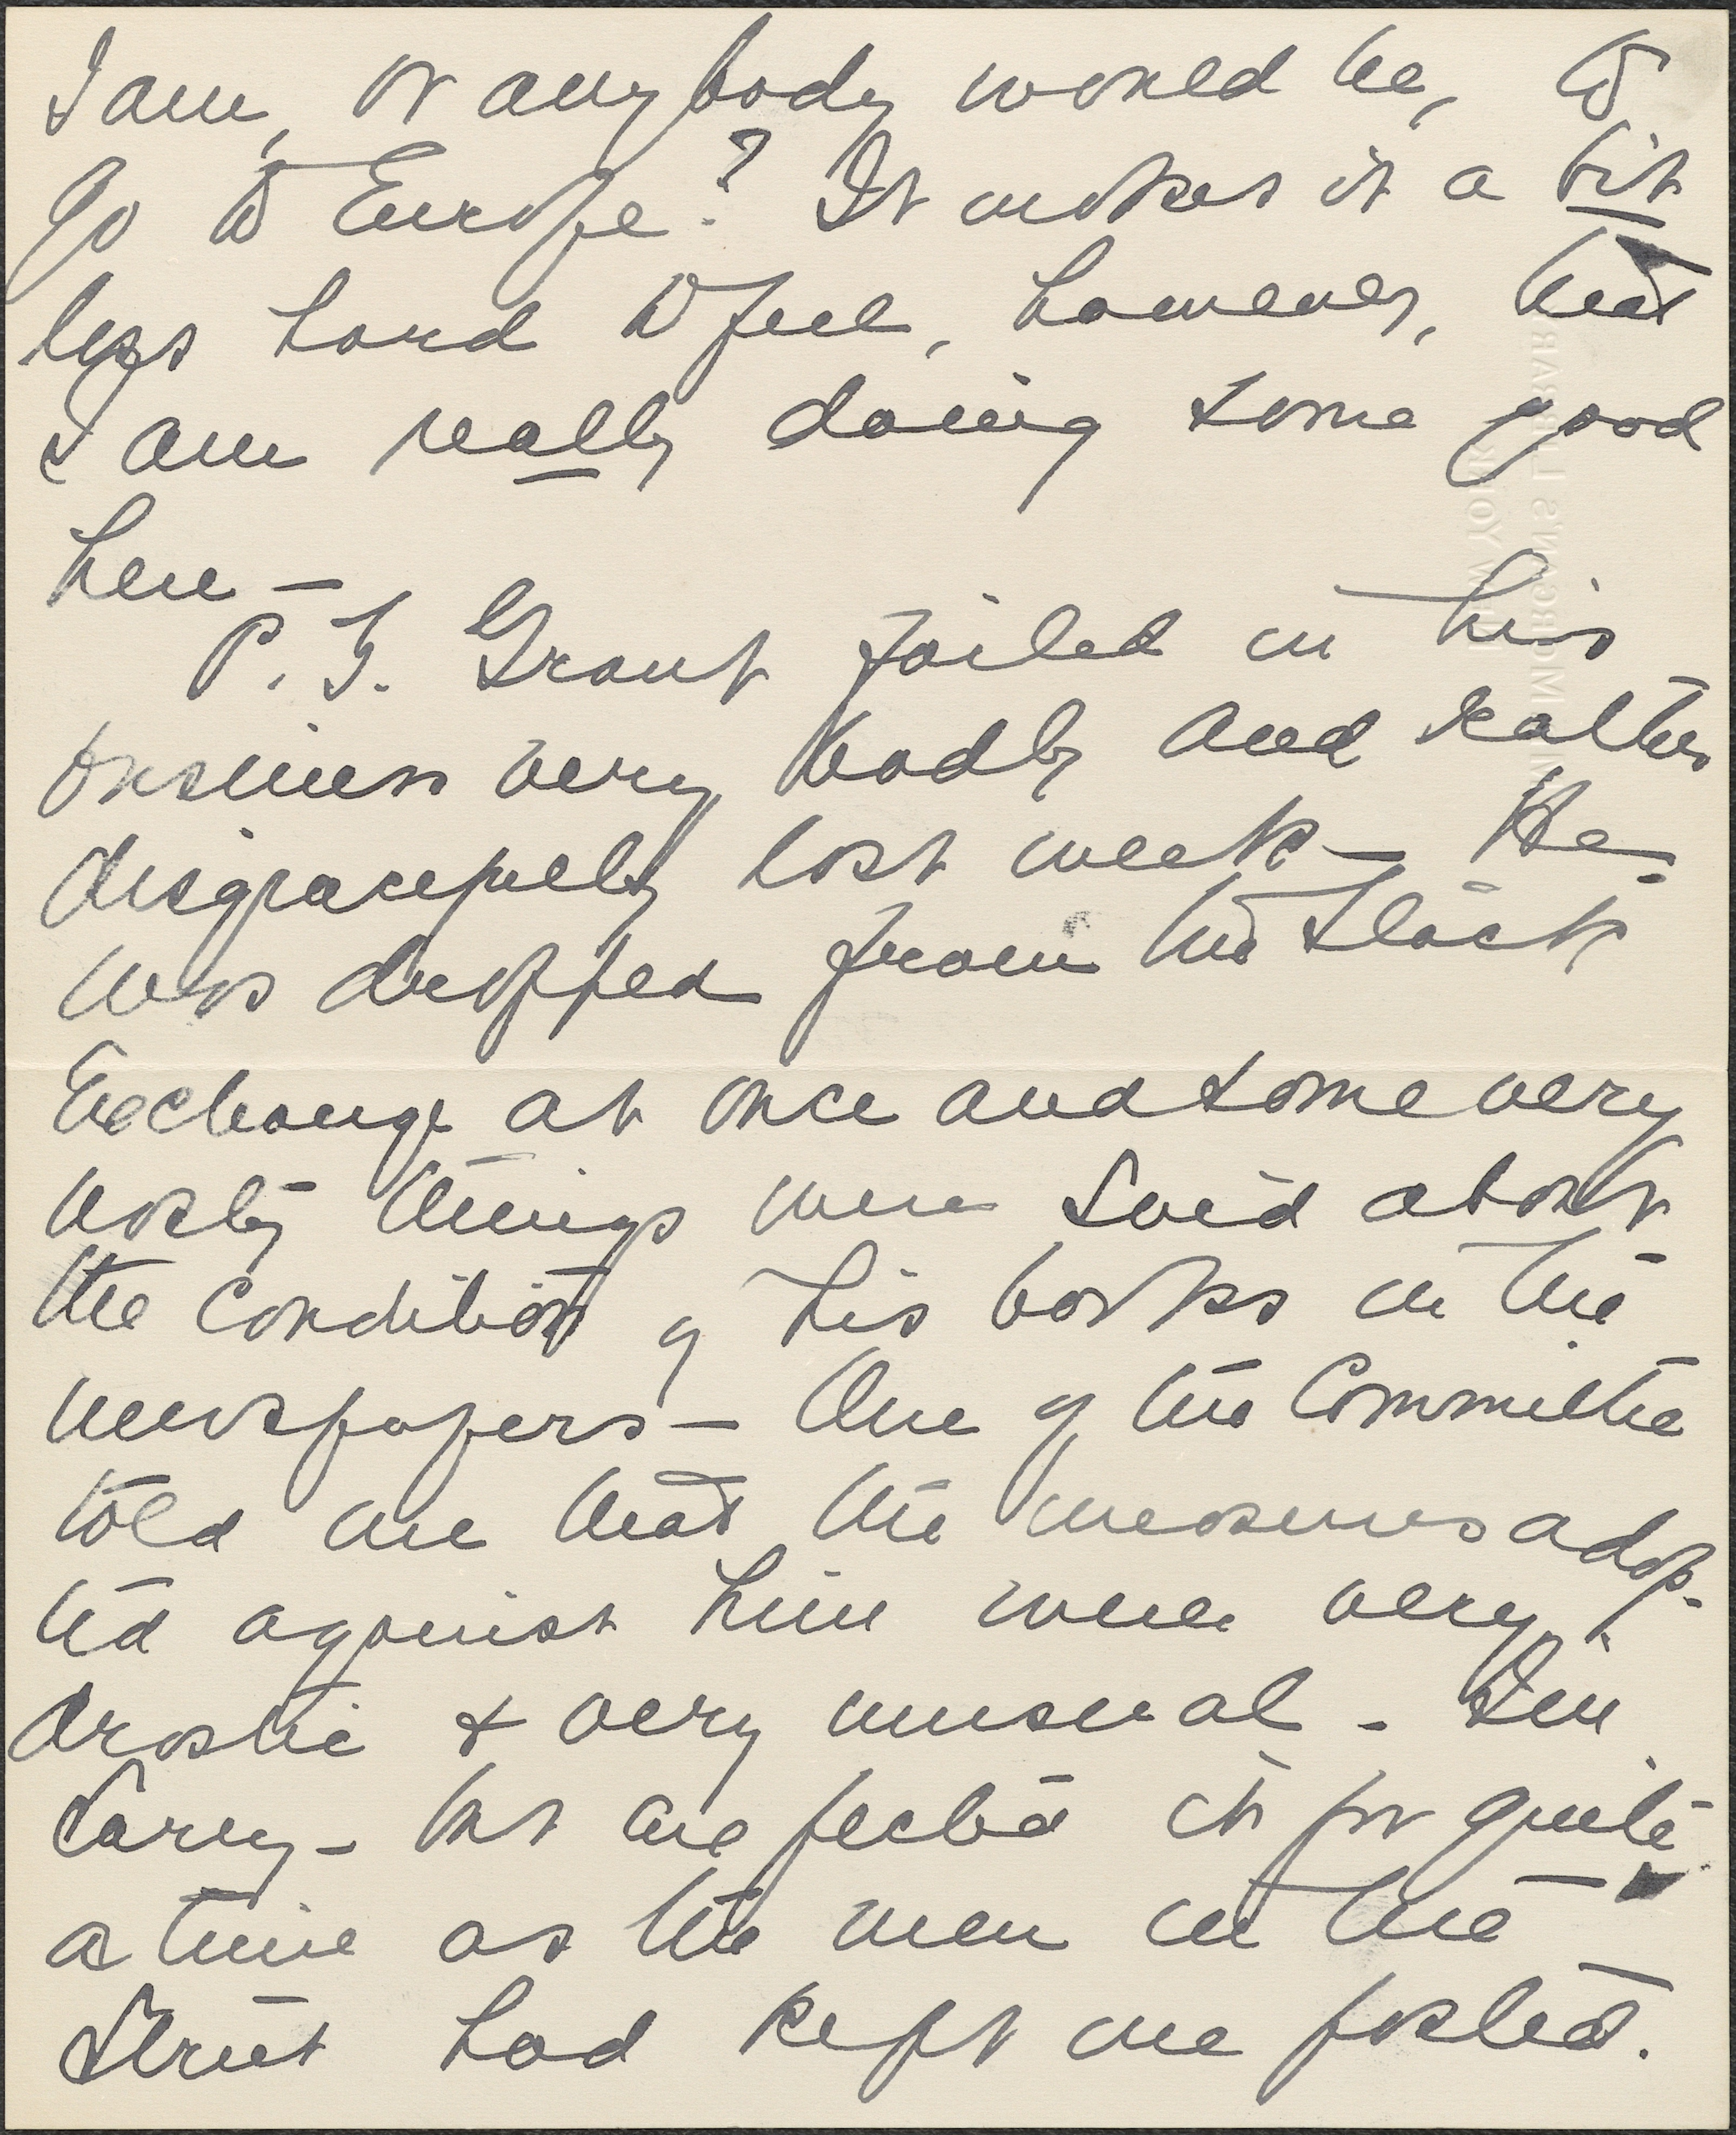I am, or anybody would be, to go to Europe? It makes it a bit less hard to feel, however, that I am really doing some good here –
P. G. Grant failed in his business very badly and rather disgracefully last week – He was dropped from the Stock Exchange at once and some very nasty things were said about the condition of his books in the newspapers – One of the Committee told me that the measures adopted against him were very drastic & very unusual – I’m sorry – but expected it for quite a time as the men in the Street had kept me posted.